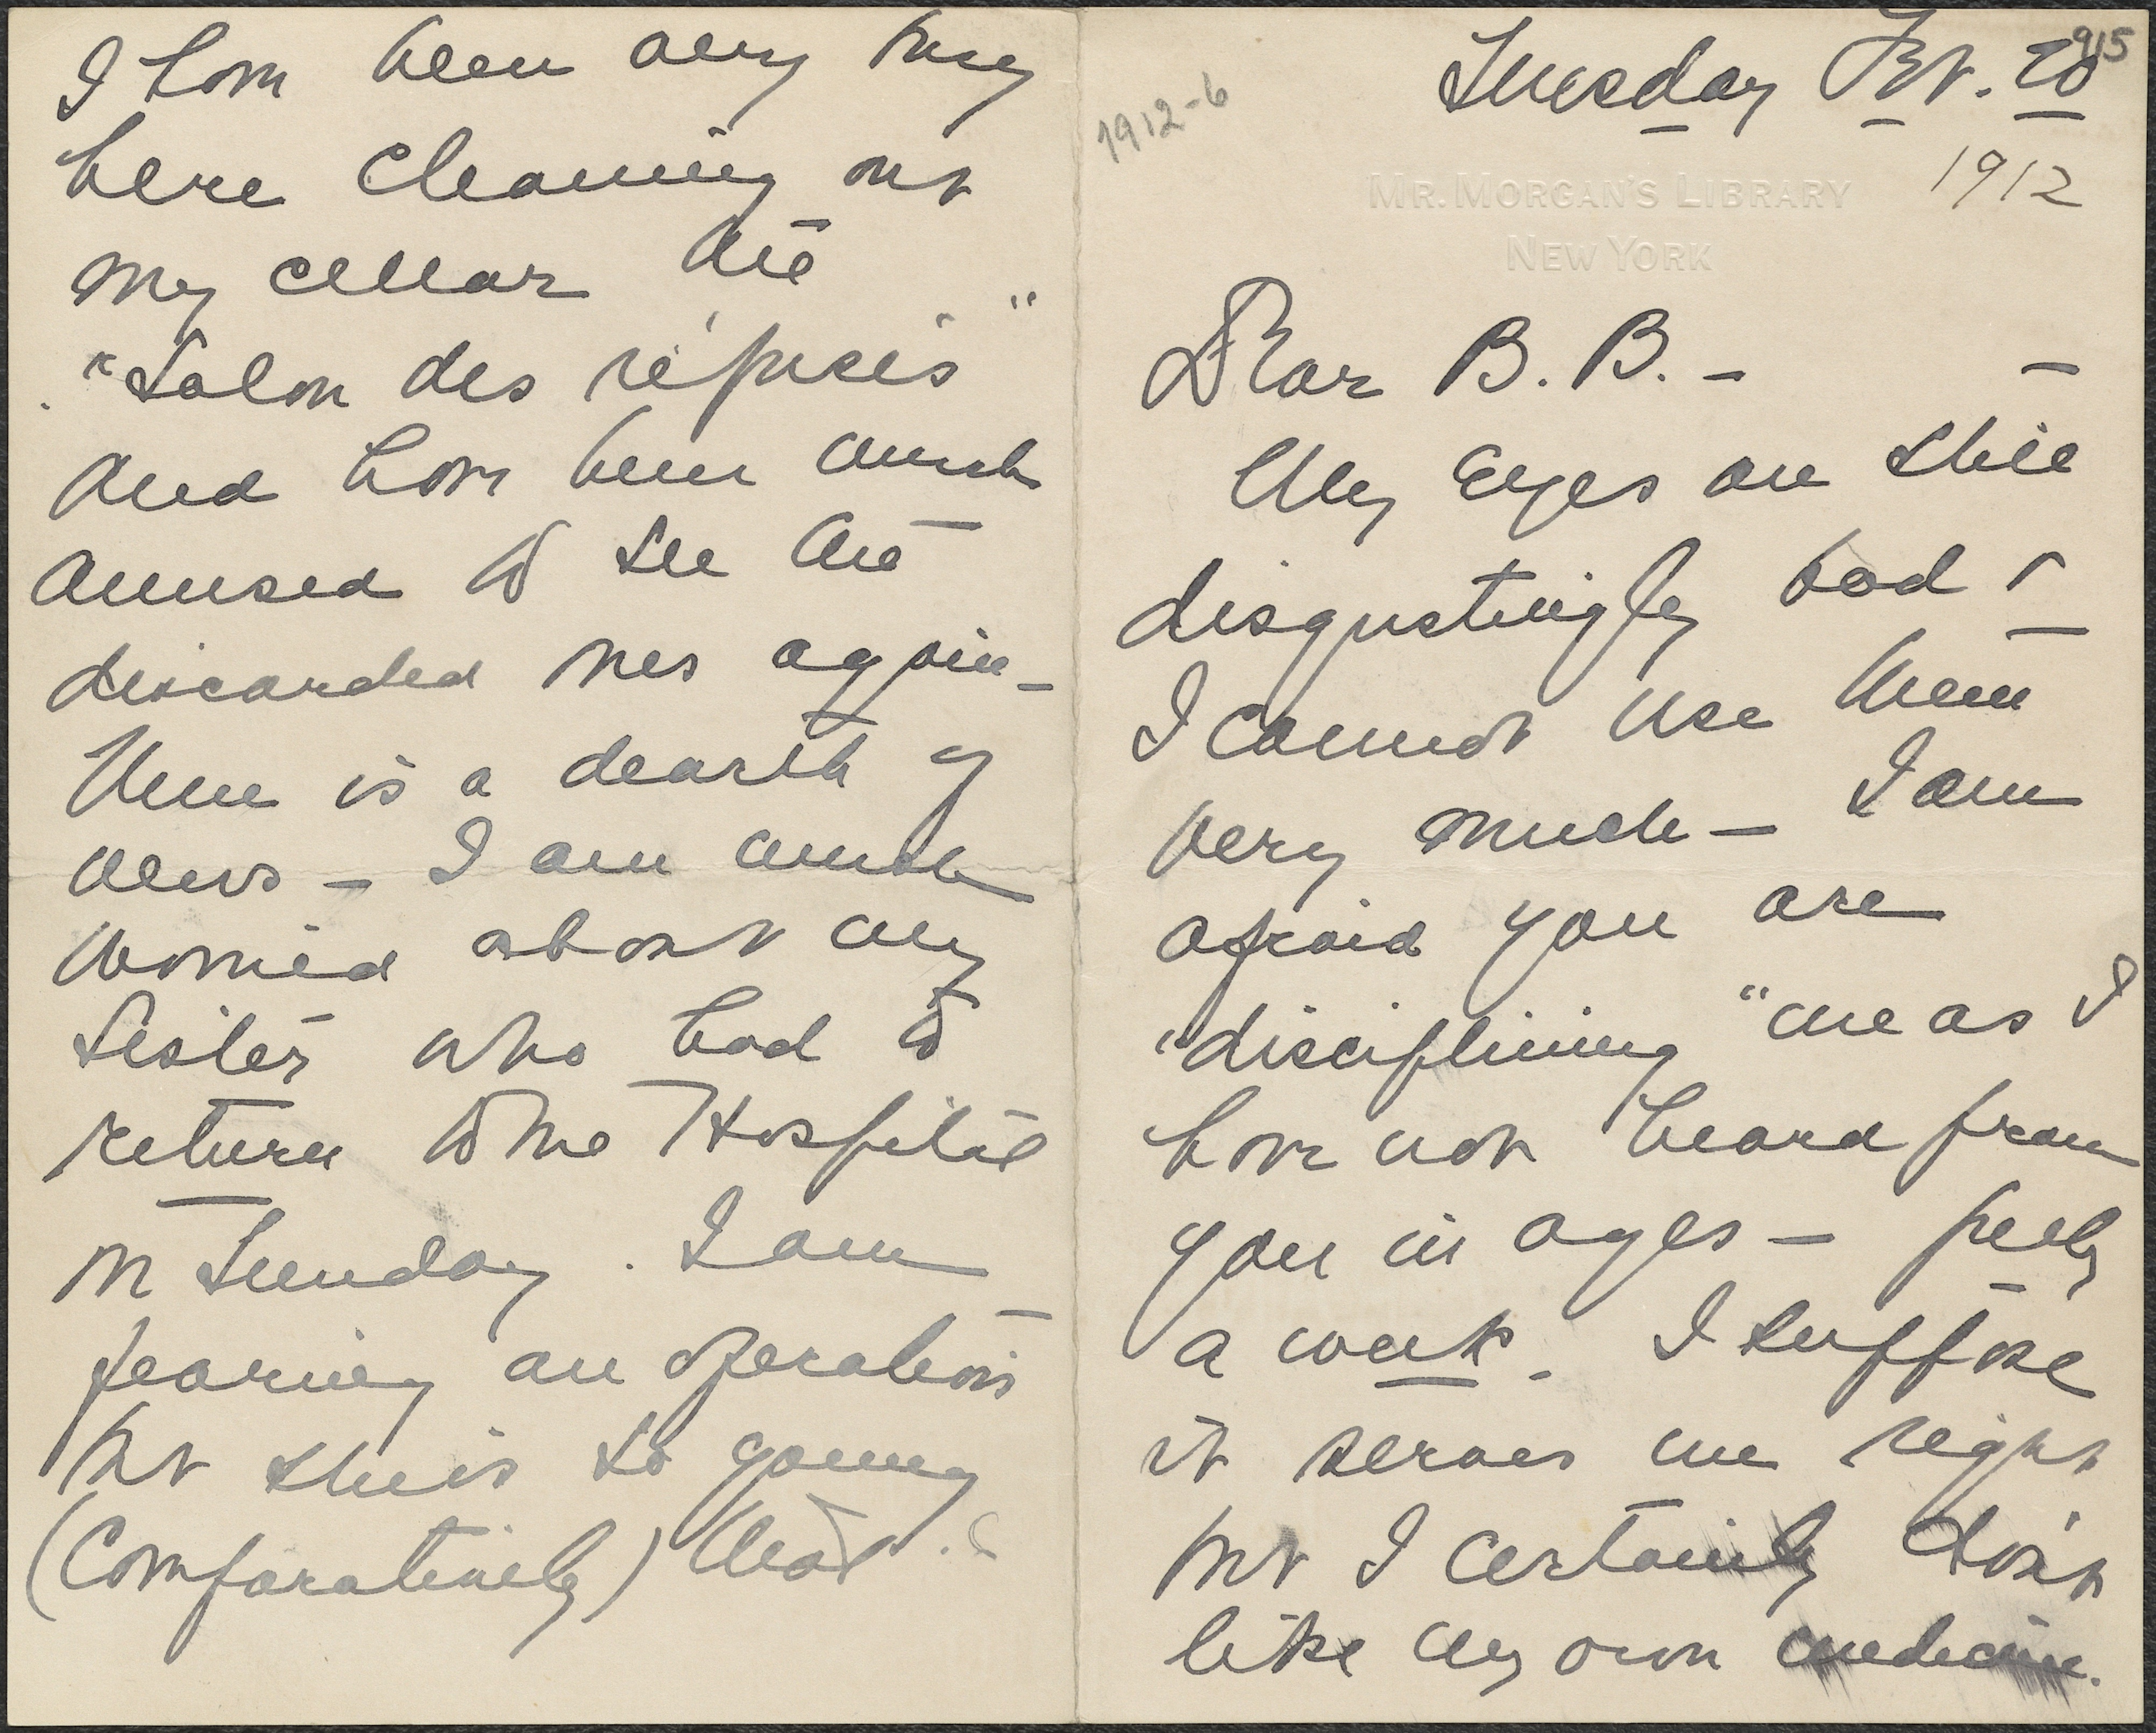Tuesday Feb. 20
Dear B. B. –
My eyes are still disgustingly and & I cannot use them very much – I am afraid you are “disciplining” me as I have not heard from you in ages – nearly a week – I suppose it serves me right but I certainly don’t like my own medicine.
I have been very busy here cleaning out my cellar the “Salon des réfusées” and have been much amused to see the discarded ones again – There is a dearth of news – I am much worried about my Sister who had to return to the Hospital on Sunday. I am fearing an operation but she is so young (comfortingly) that I